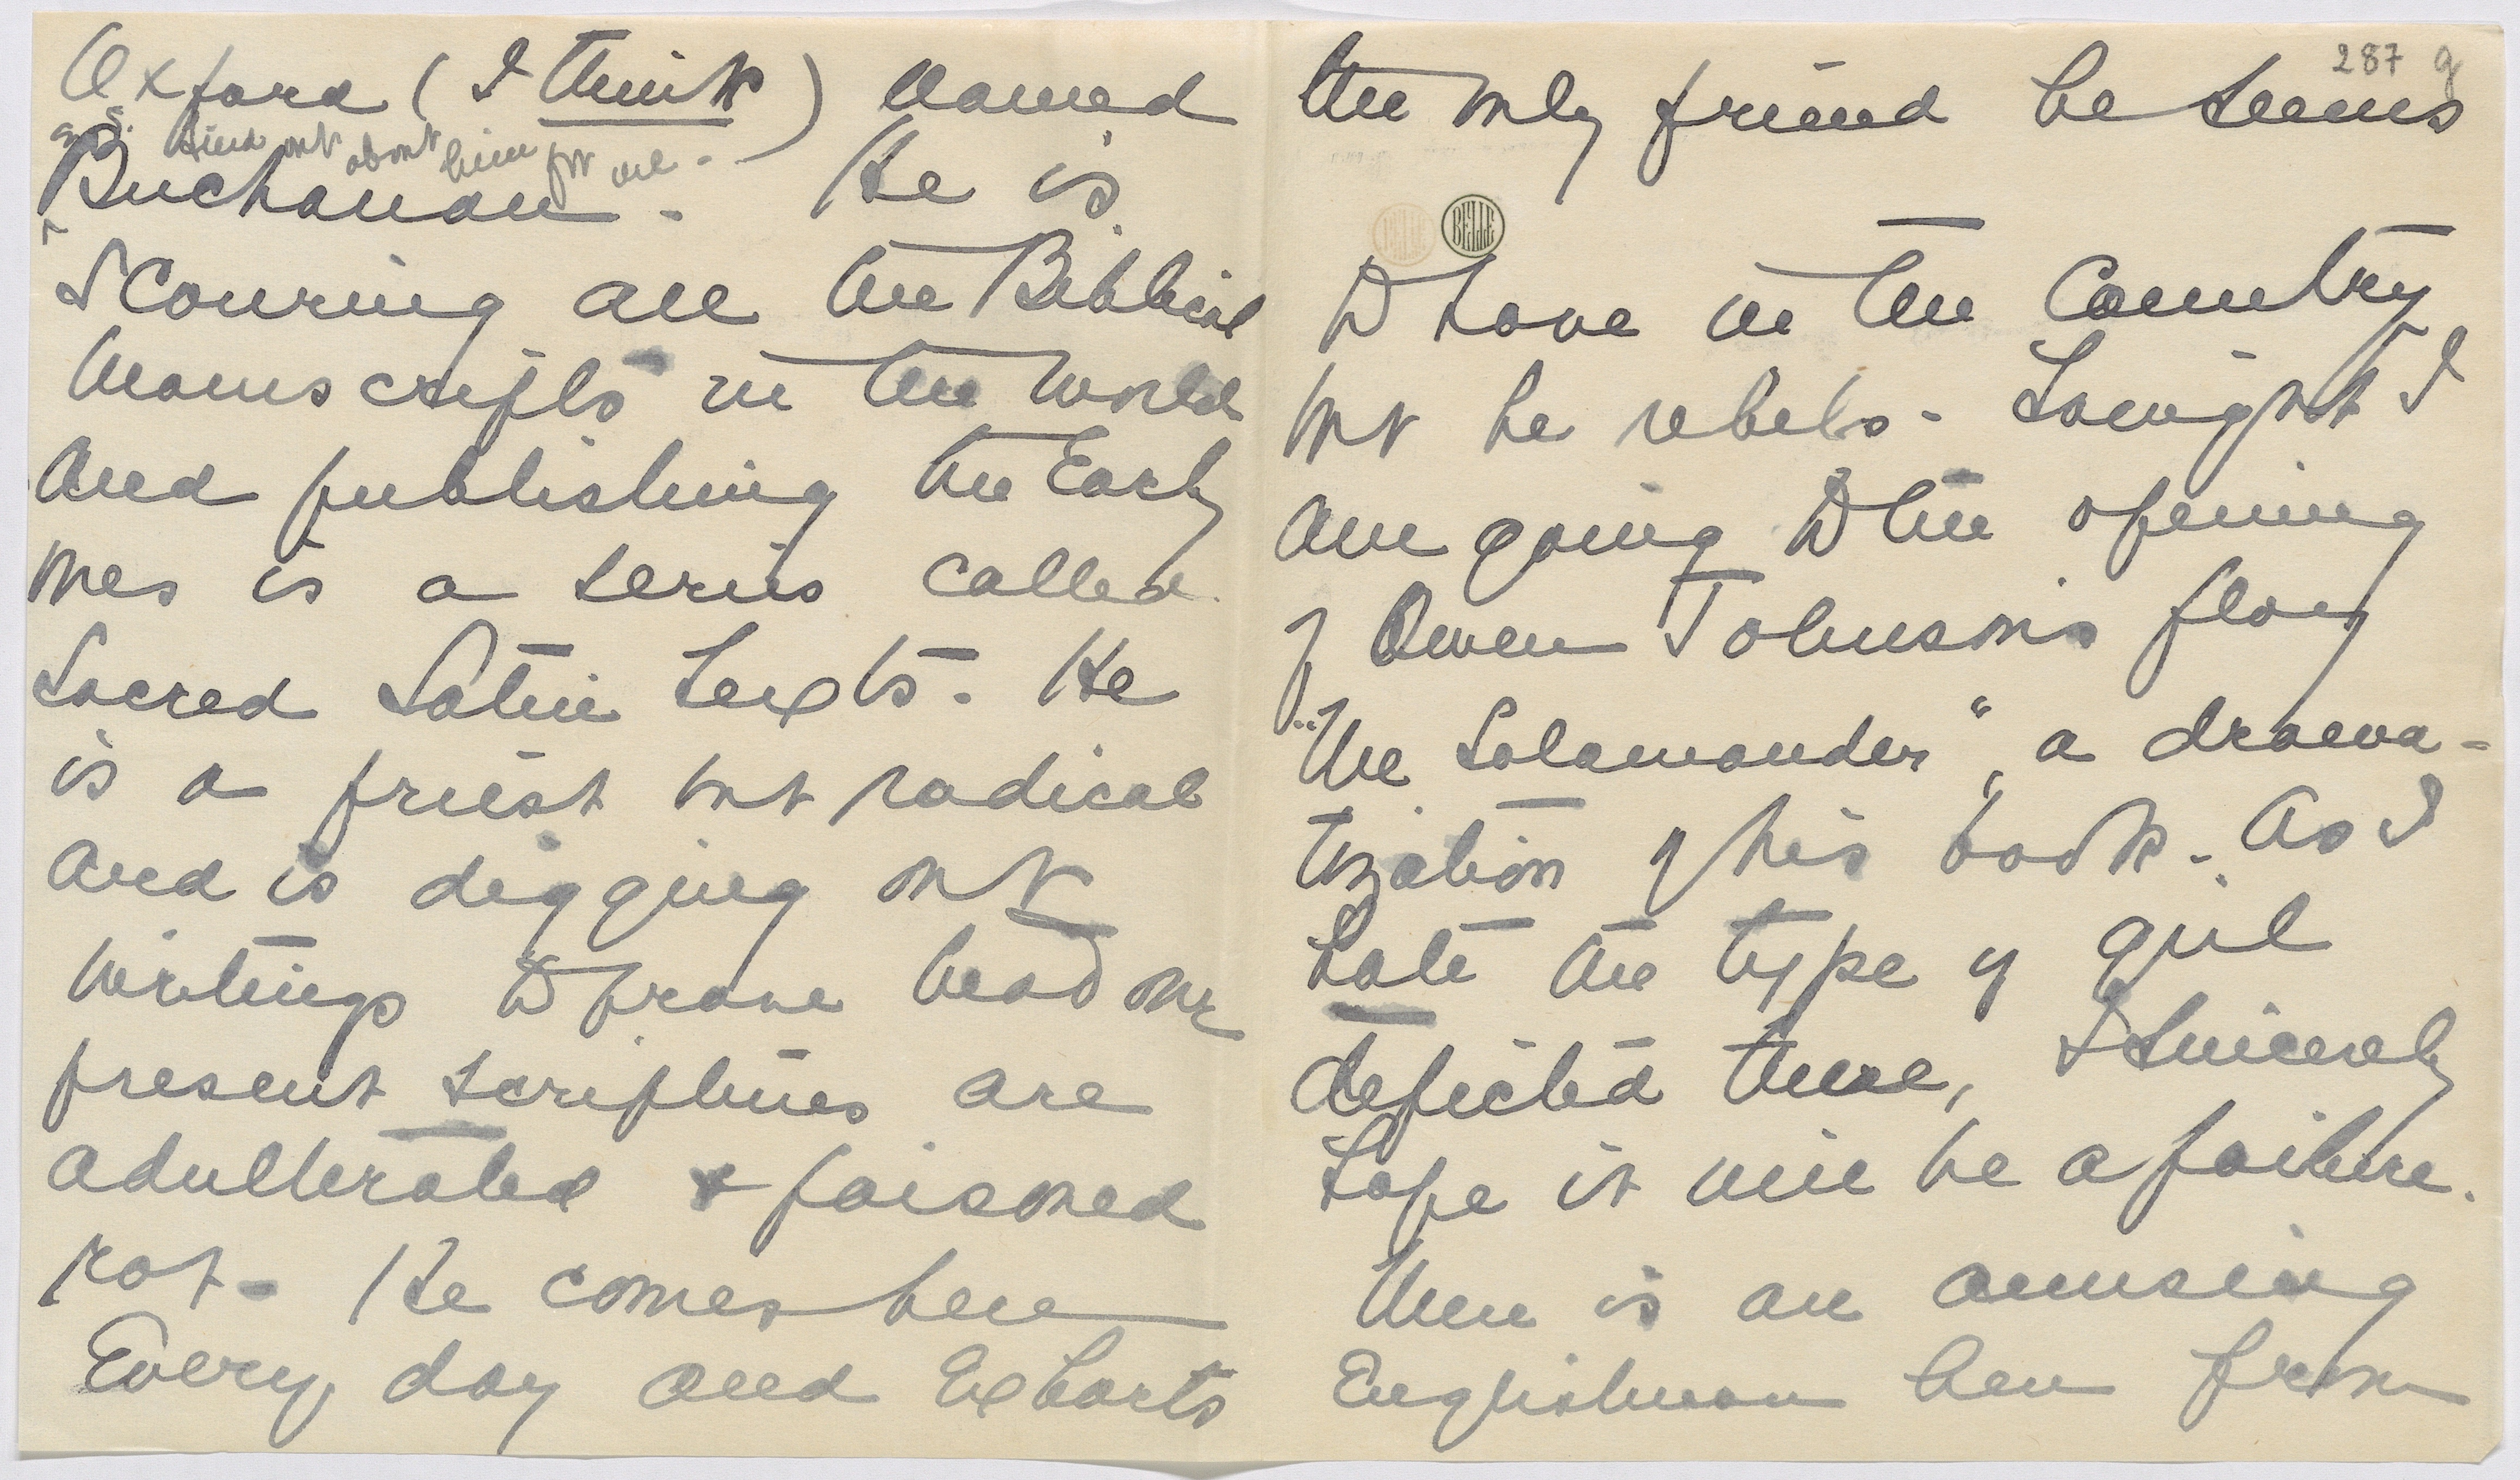the only friend he seems to have in the country but he rebels – Tonight I am going to the opening of Owen Johnson’s play “The Salamander,” a dramatization of his book – As I hate the type of girl depicted there, I sincerely hope it will be a failure.
There is an amusing Englishman here from
Oxford (I think) named [^Find out about him for me^] Buchanan – He is scouring all the Biblical manuscripts in the world and publishing the early ones in a series called Sacred Latin Texts. He is a priest but radical and is digging out writings to prove that our present scriptures are adulterated & poisoned rot – He comes here every day and exhorts